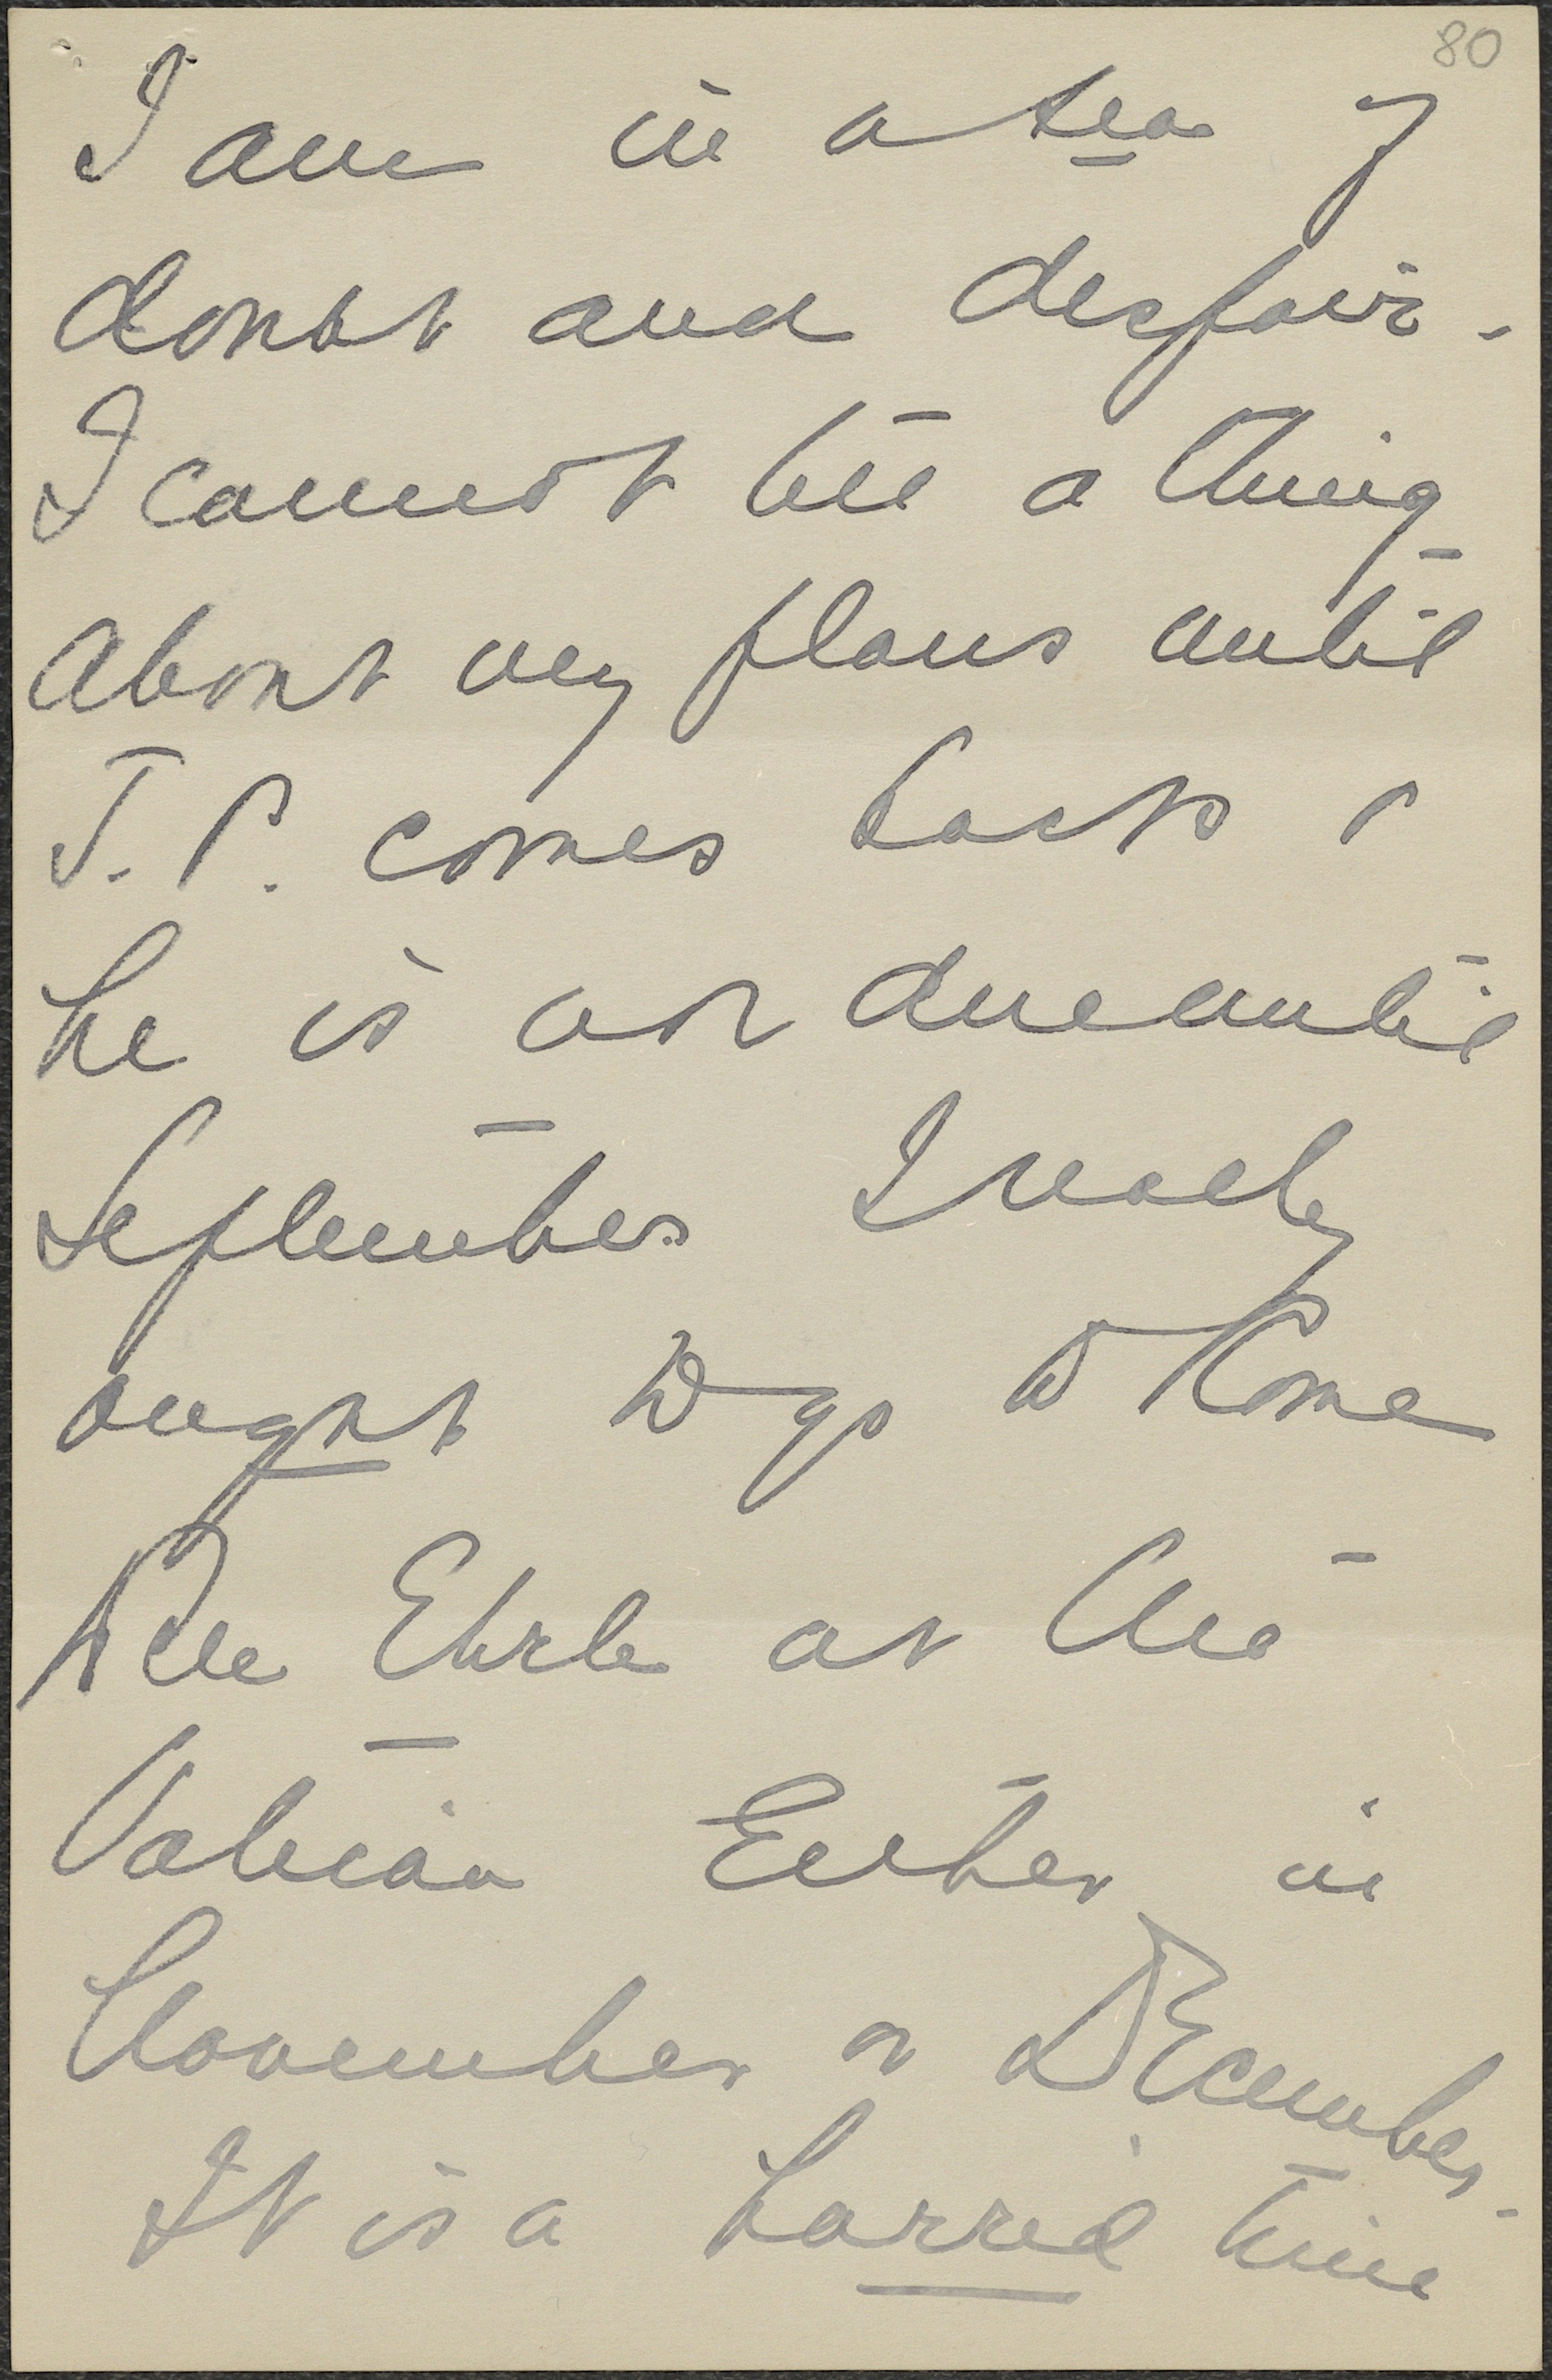I am in a sea of doubt and despair – I cannot tell a thing about my plans until J. P. comes back & he is not due until September I really ought to go to Rome to see Ehrle at the Vatican either in November or December. It is a horrid time